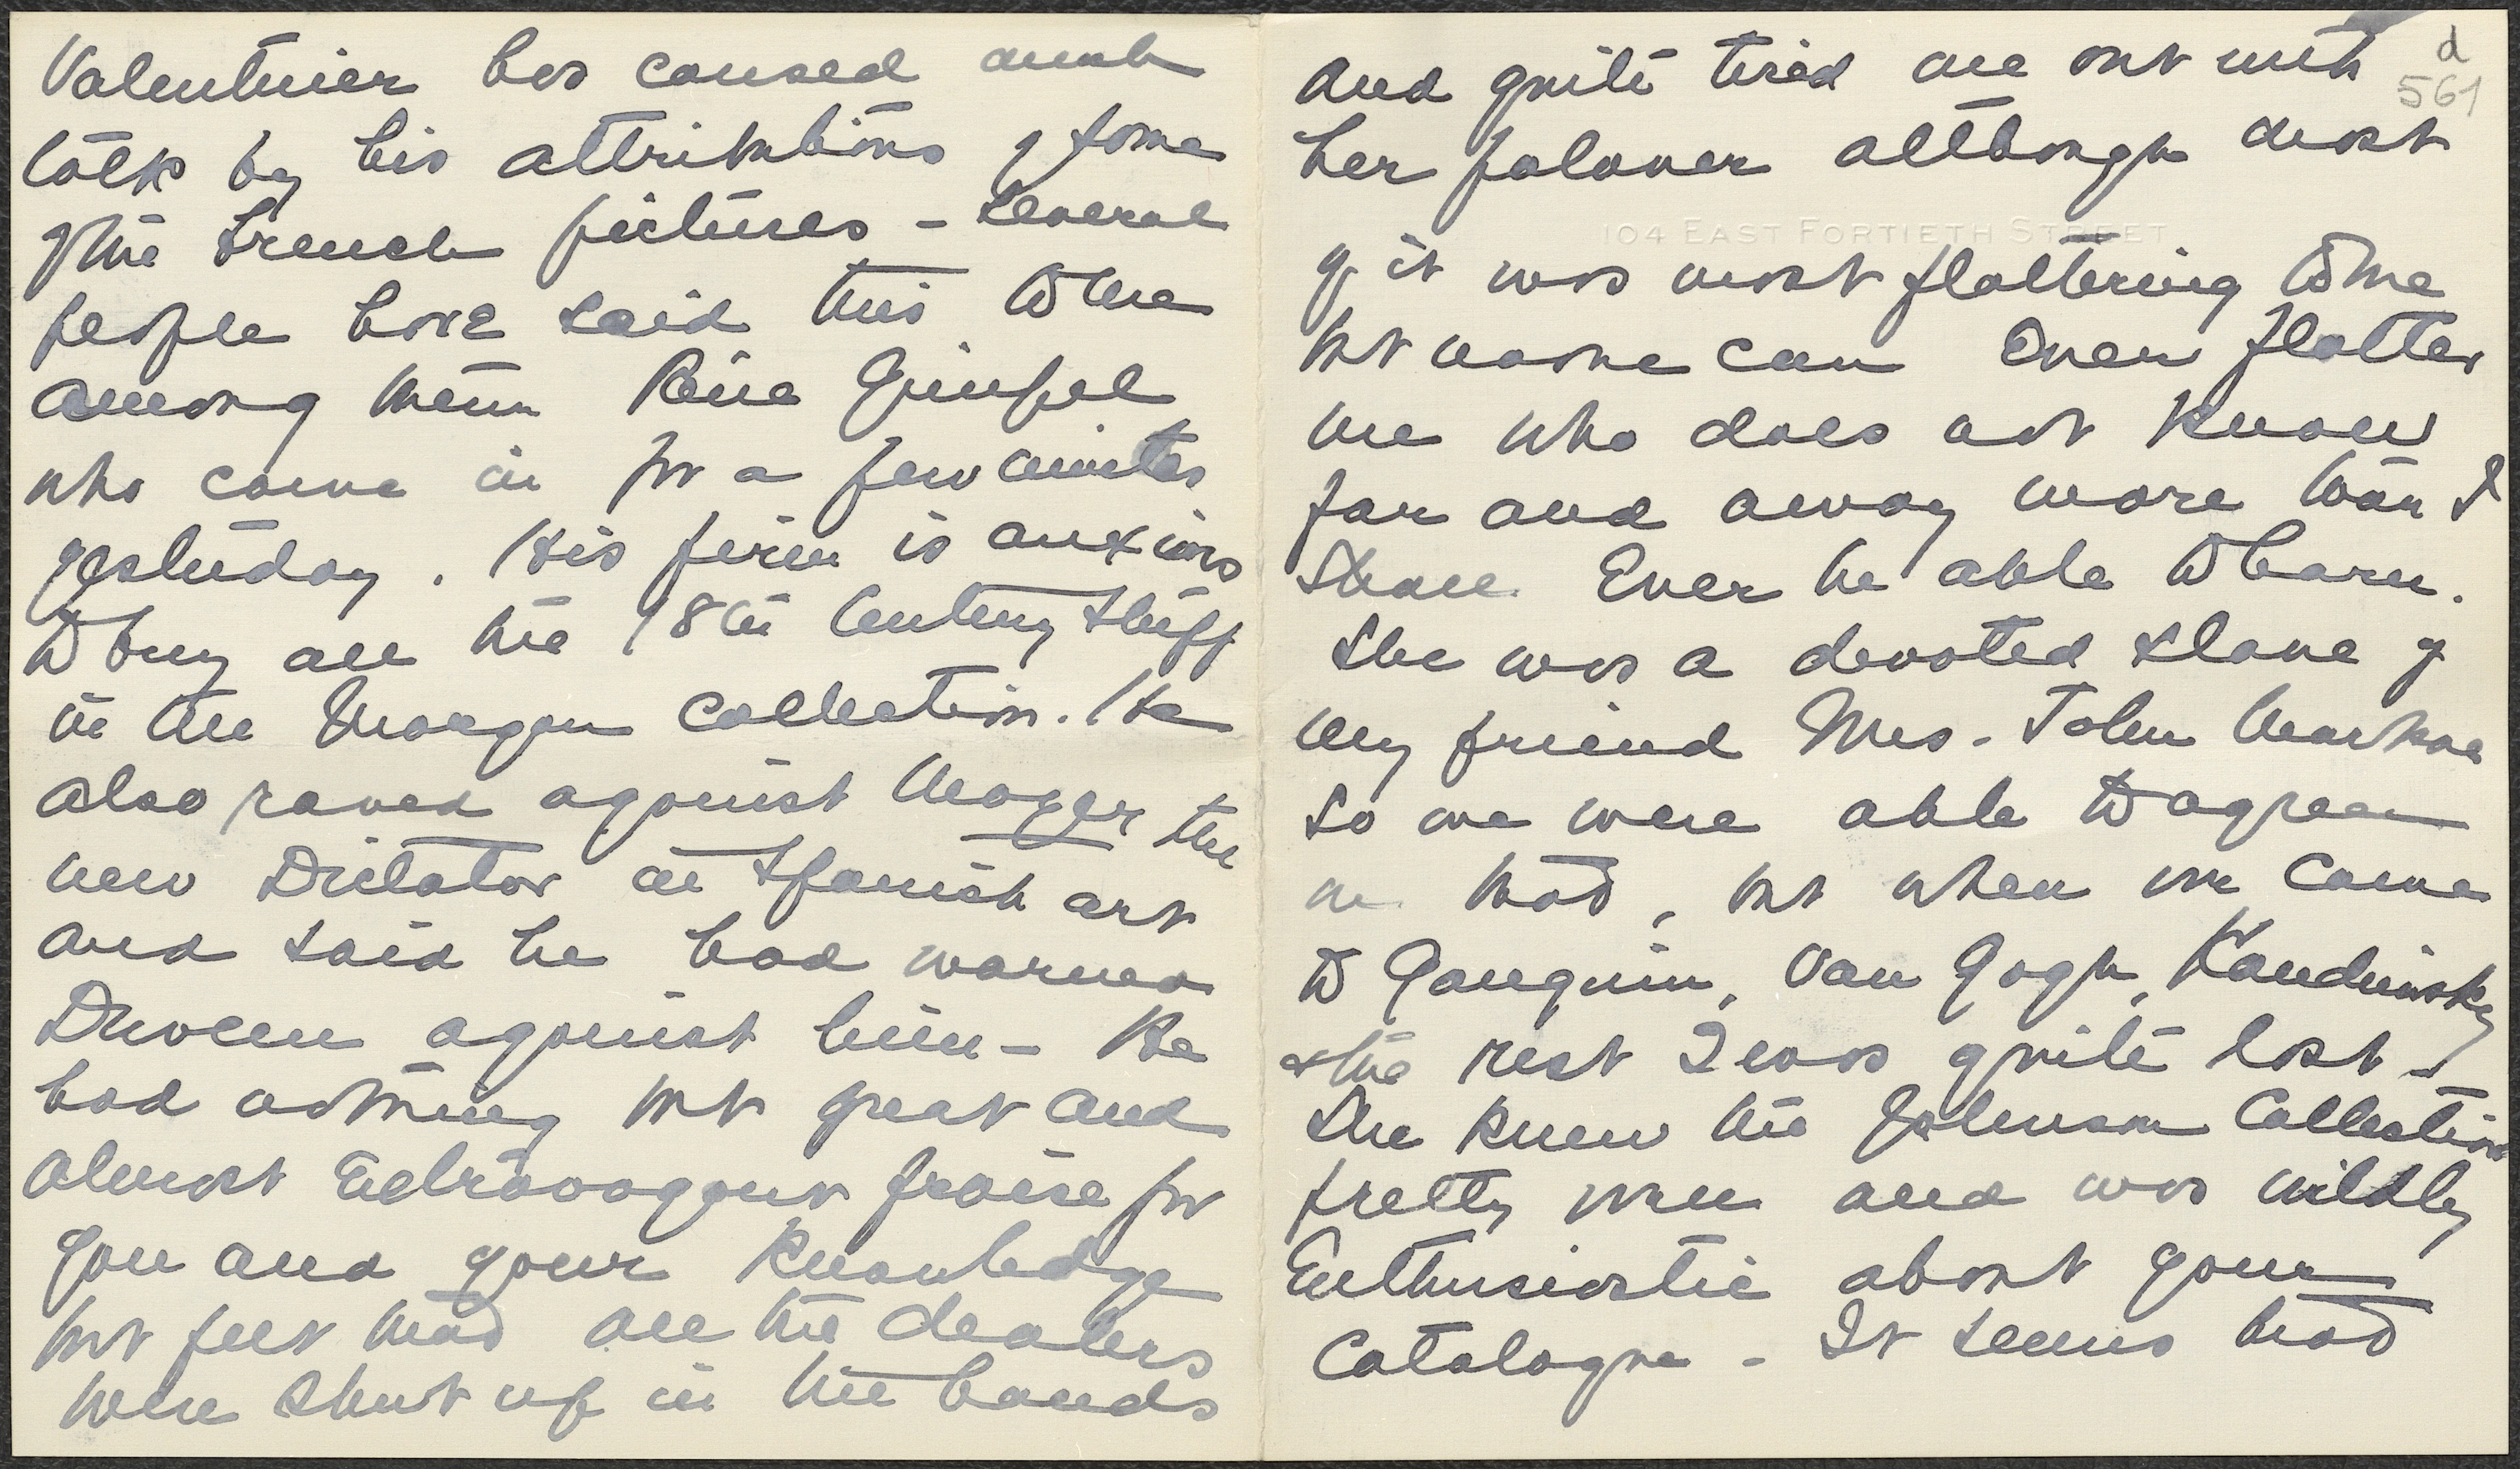and quite tired me out with her palaver although most of it was most flattering to me but no one can ever flatter me who does not know far and away more than I shall ever be able to learn. She was a devoted slave of my friend Mrs. John Markoe so we were able to agree on that, but when we came to Gauguin, Van Gogh, Kandinsky & the rest I was quite lost – She know the Johnson Collection pretty well and was wildly enthusiastic about your Catalogue – It seems that
Valentiner has caused much talk by his attributions of some of the French pictures – several people have said this to me among them René Gimpel who came in for a few minutes yesterday. His firm is anxious to buy all the 18th Century stuff in the Morgan collection. He also raved against Moyer the new Dictator on Spanish art and said he had warned Duveen against him – He had nothing but great and almost extravagant praise for you and your knowledge but felt that all the dealers were shut up in the hands